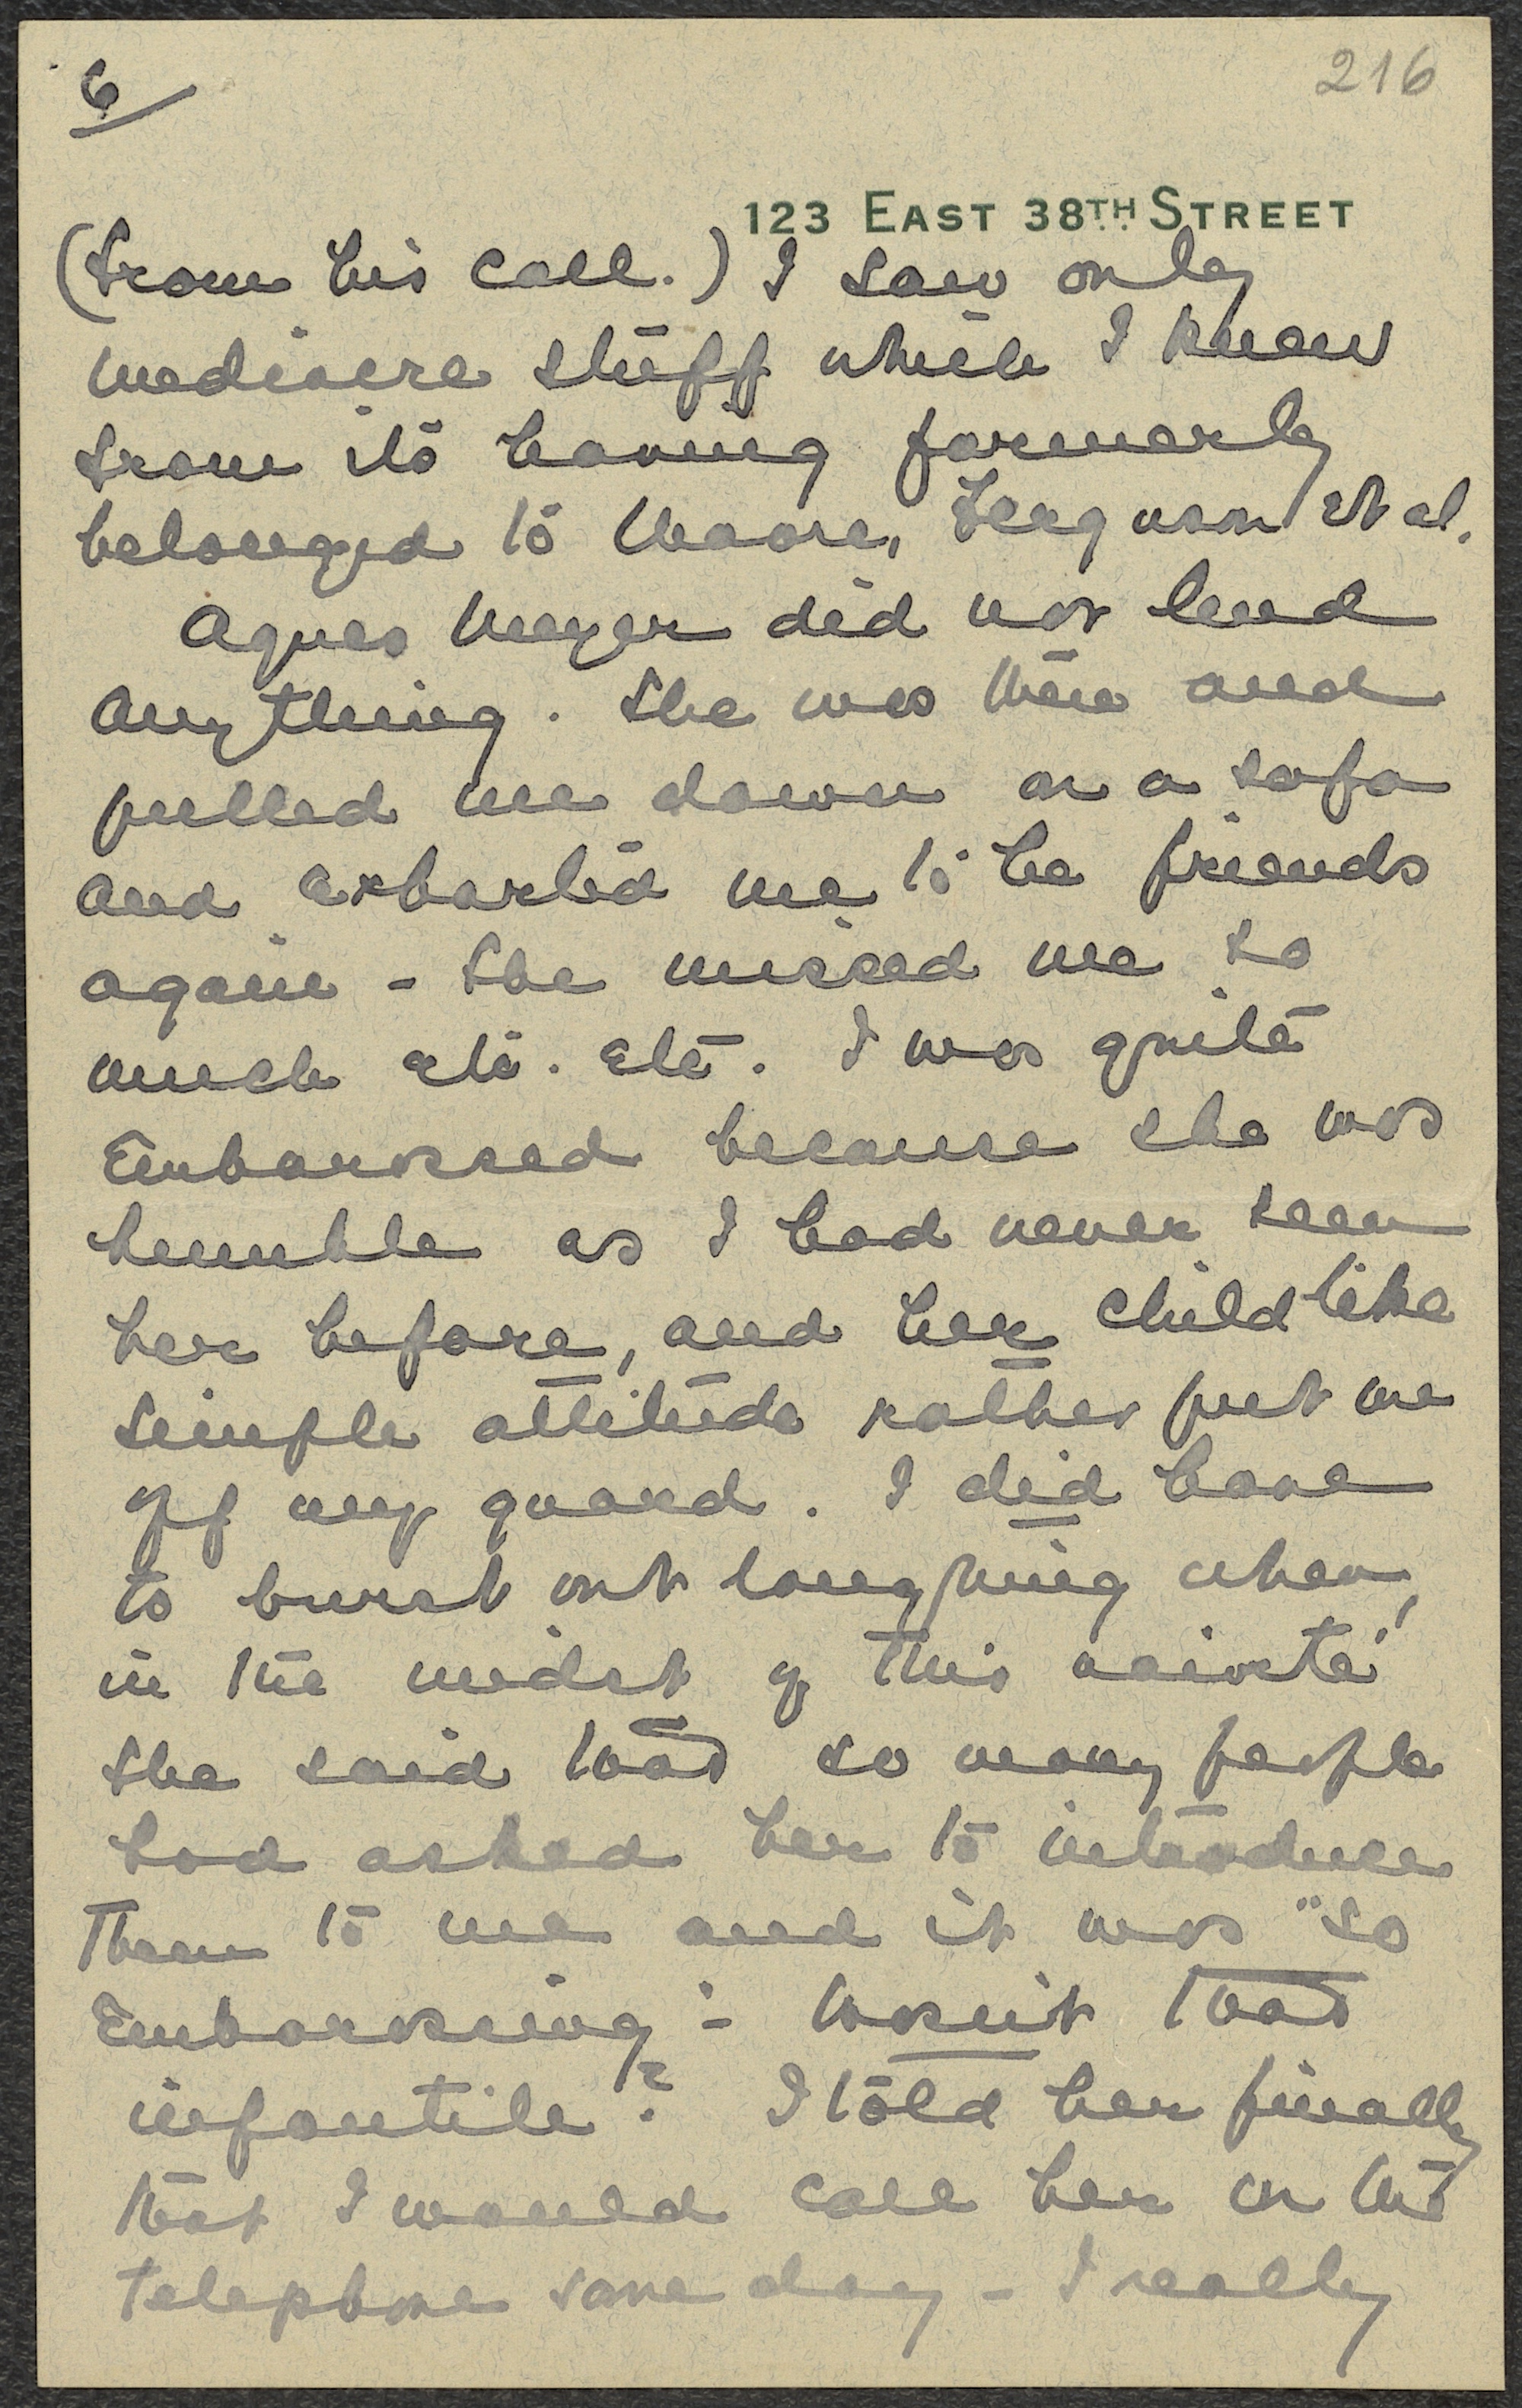6
(from his coll.) I saw only mediocre stuff which I knew from its having formerly belonged to Moore, Ferguson et al.
Agnes Meyer did not lend anything. She was there and pulled me down on a sofa and exhorted me to be friends again – She missed me so much etc. etc. I was quite embarrassed because she was humble as I had never seen her before, and her childlike simple attitude rather put me off my guard. I did have to burst out laughing when in the midst of this naiveté she said that so many people had asked her to introduce them to me and it was “so embarrassing” – wasn’t that infantile? I told her finally that I would call her on the telephone some day – I really